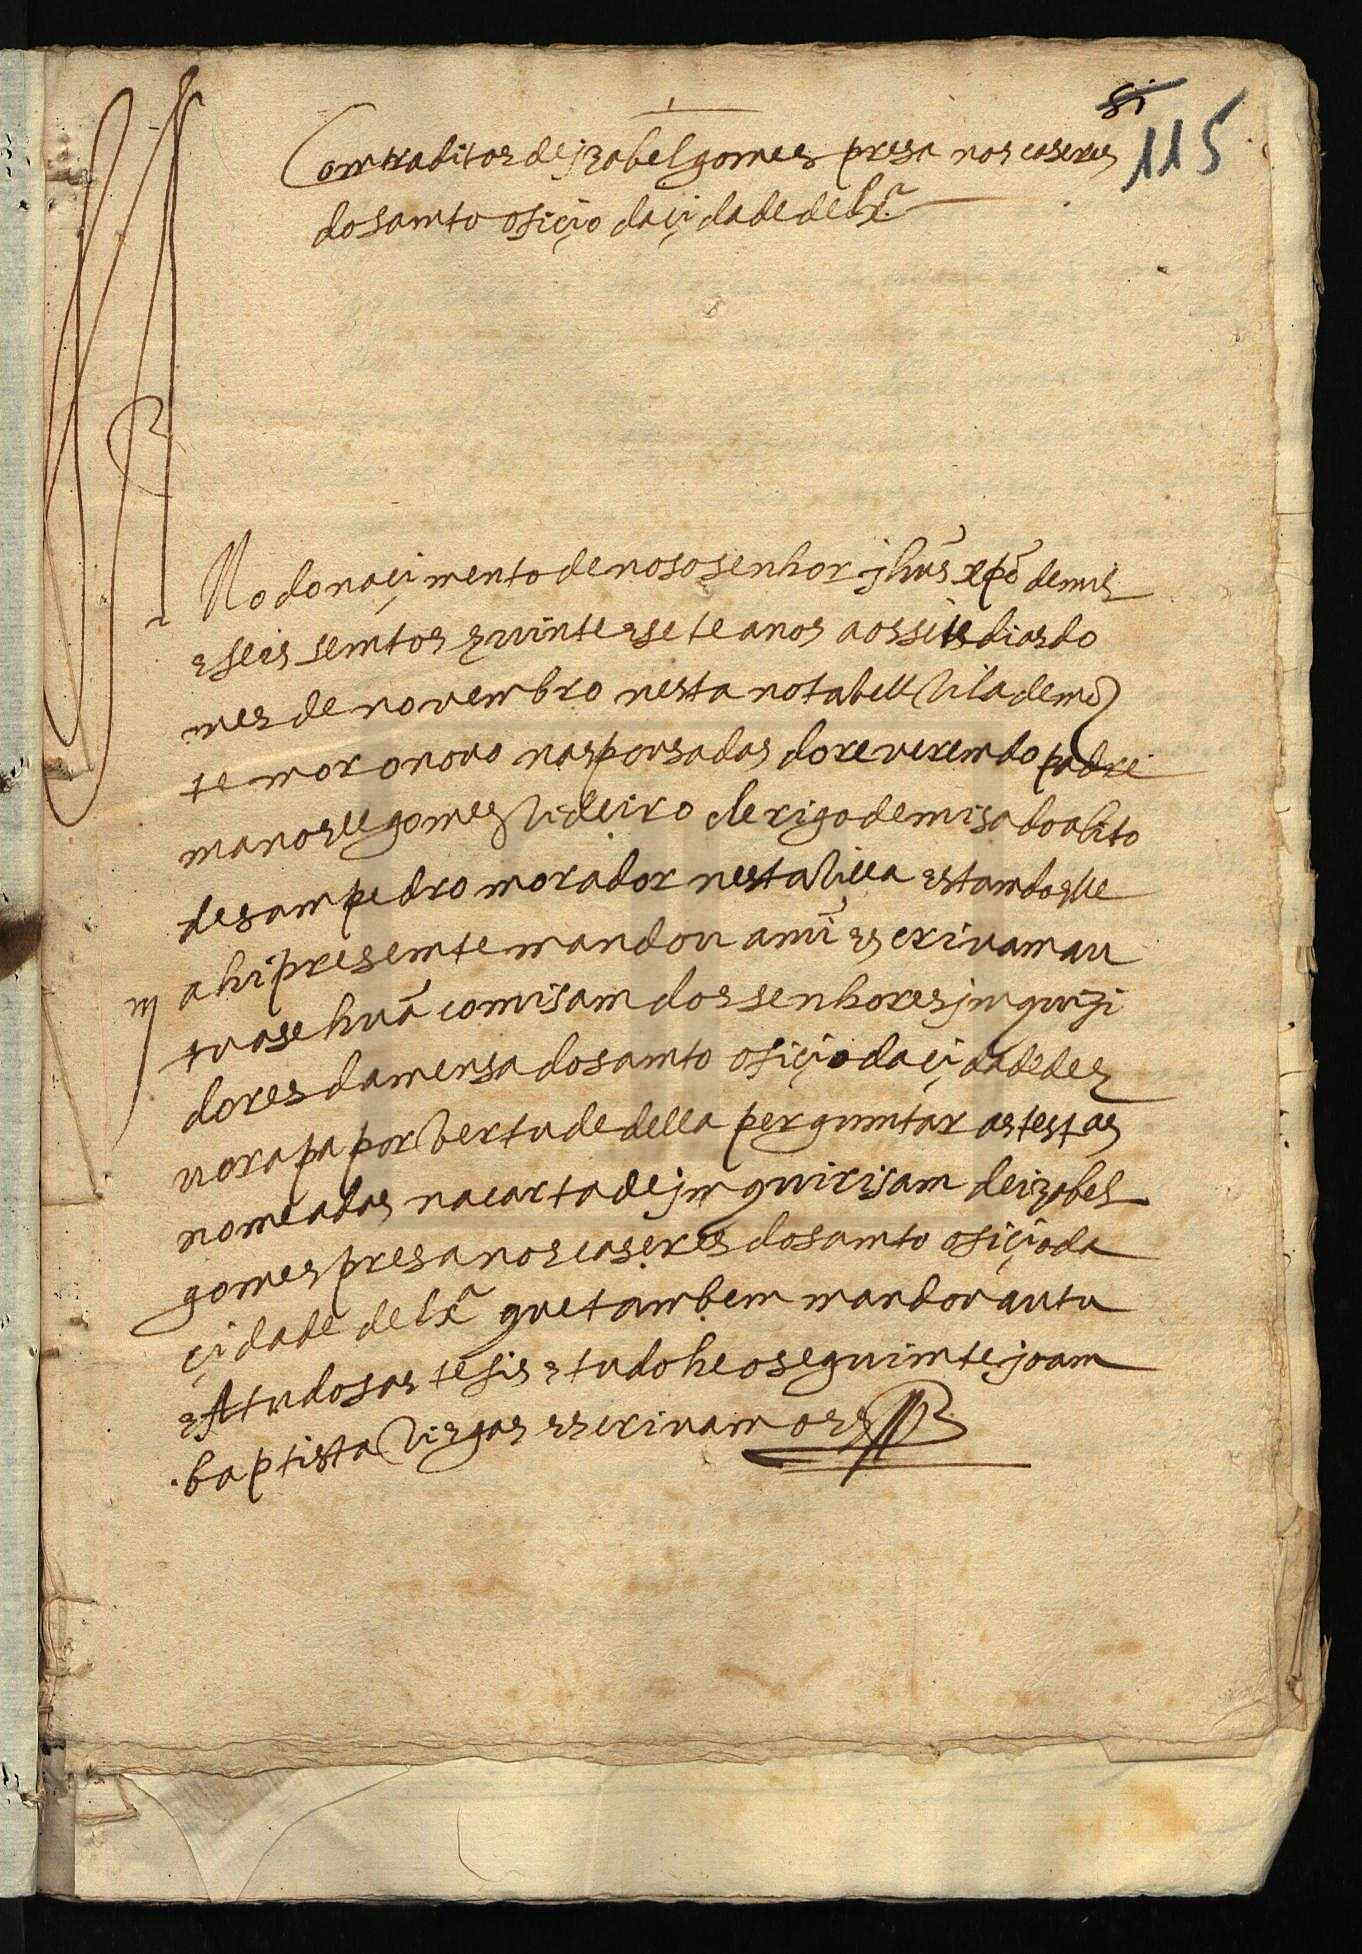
Comtraditas de jzabel gomes presa nos caseres
do samto oficio da cidade de lx.a
ANo do nacimento de noso senhor jhūs xpō de mil
E seissemtos E uinteEe sete anos aos sete dias do
mes de novembro nesta notavell Vila de mō
temor o nouo nas pousadas do reveremdo padre
manoEll gomes videiro clerigo de misa do abito
de sam pedro morador nesta villa Estamdo Elle
ahi presemte mandou a mī Escriuam au
tuase huā comisam dos senhores jmquizi
dores da mensa do samto ofiçio da cidade de E
uora pa por vertude della pergumtar as testas
nomeadas na carta de jmquirisam de izabel
gomes presa nos caseres do samto oficio da
cidade de lxa que tambem mandou autu
E A tudo sastefis E tudo he o seguimte joam
baptista viEgas Escriuam o Estp̄
